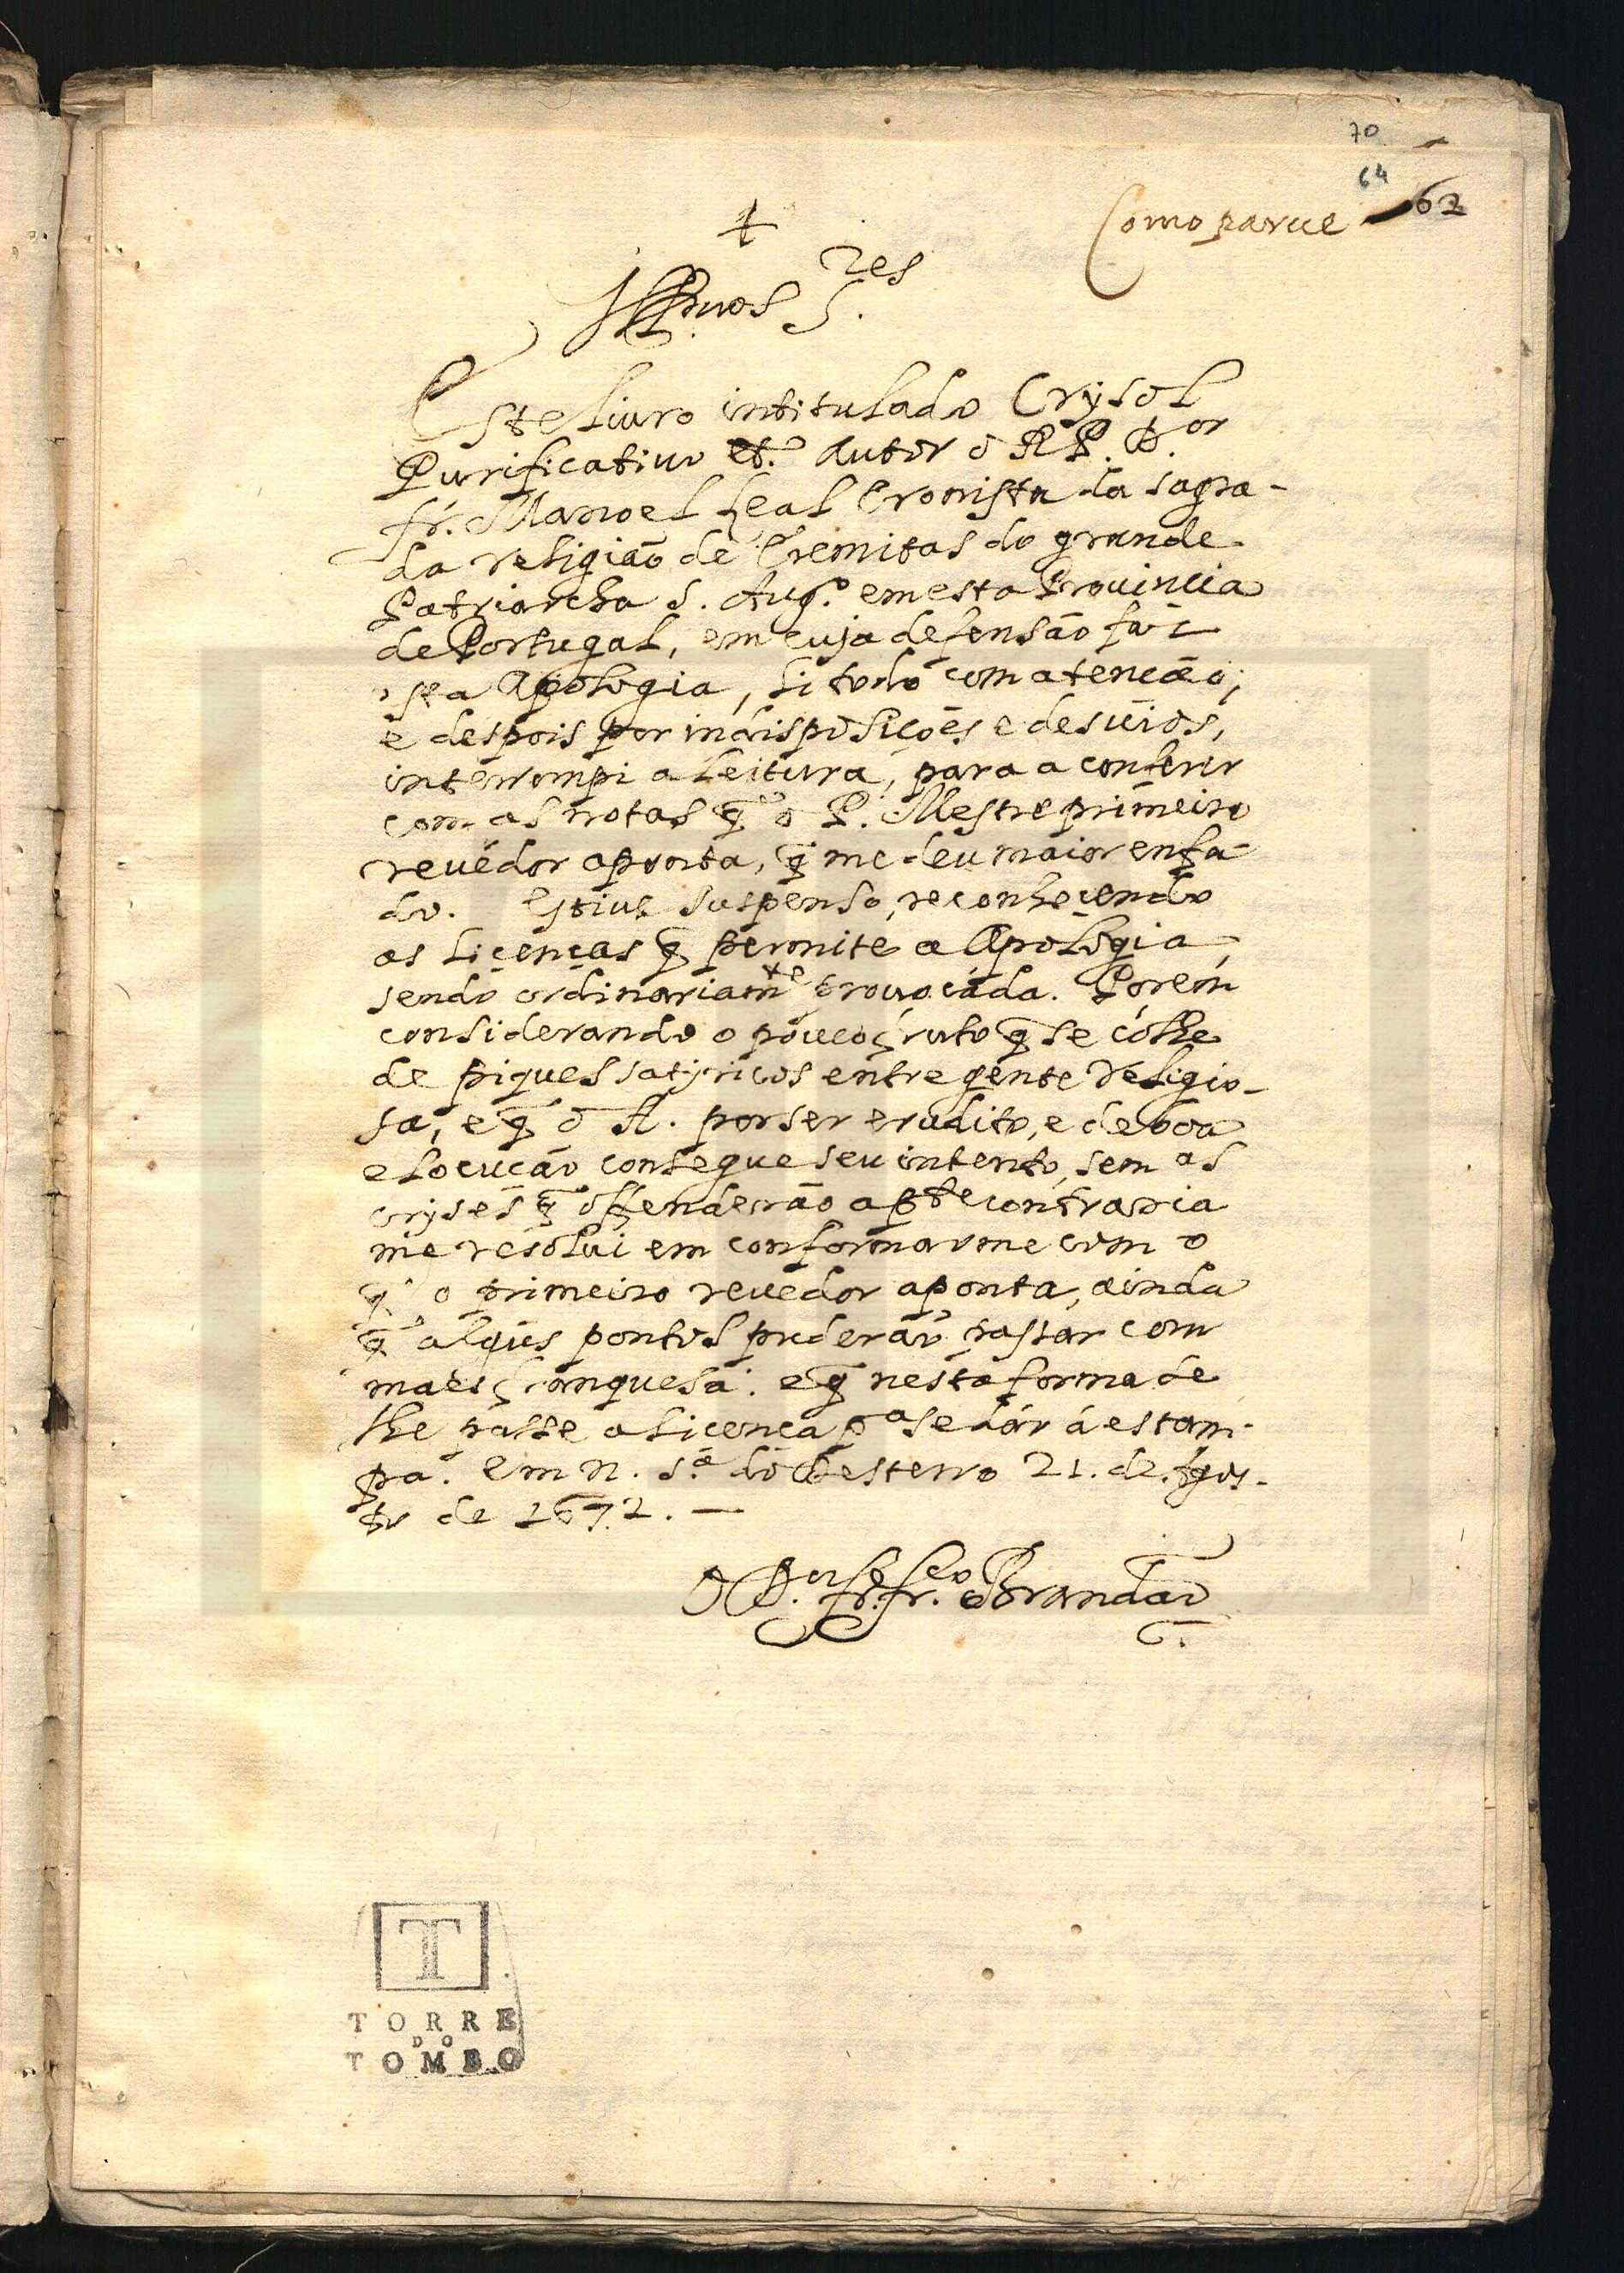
62
Como parece
Jll.mos S.res
Este Liuro intitulado Crysol
Purificatiuo &t. autor o R P. D.or
fr. Manoel Leal Cronista da sagra
da religiaõ de Eremitas do grande
Patriarcha S. Aug.o em esta Prouincia
de Portugal, em cuja defensão faz
esta apologia, Li todo com atençaõ;
e despois por indisposiçoẽs E desuios,
intorrompi a Leitura, para a conferir
com as notas q̄ o P. Mestre primeiro
reuedor aponta, q̄ me deu maior enfa
do. Estiue suspenso, reconhecendo
as Licenças q̄ permite a Apologia
sendo ordinariamte prouocada. Porem
considerando o pouco fruto q̄ se colhe
de piques satyricos entre gente religio
sa, e q̄ o A. por ser erudito, e de boa
elocução consegue seu intento, sem as
cryses q̄ offenderão a pte contraria
me resolui em conformarme com o
q̄ o primeiro reuedor aponta, ainda
q̄ algūs pontos puderaõ passar com
maes franquesa: e q̄ nesta forma se
lhe passe a Licença pa se dar á estam
pa. em n. s.a do Desterro 21. de Agos
to de 1672.
O D.or fr. fr.co Brandaõ
